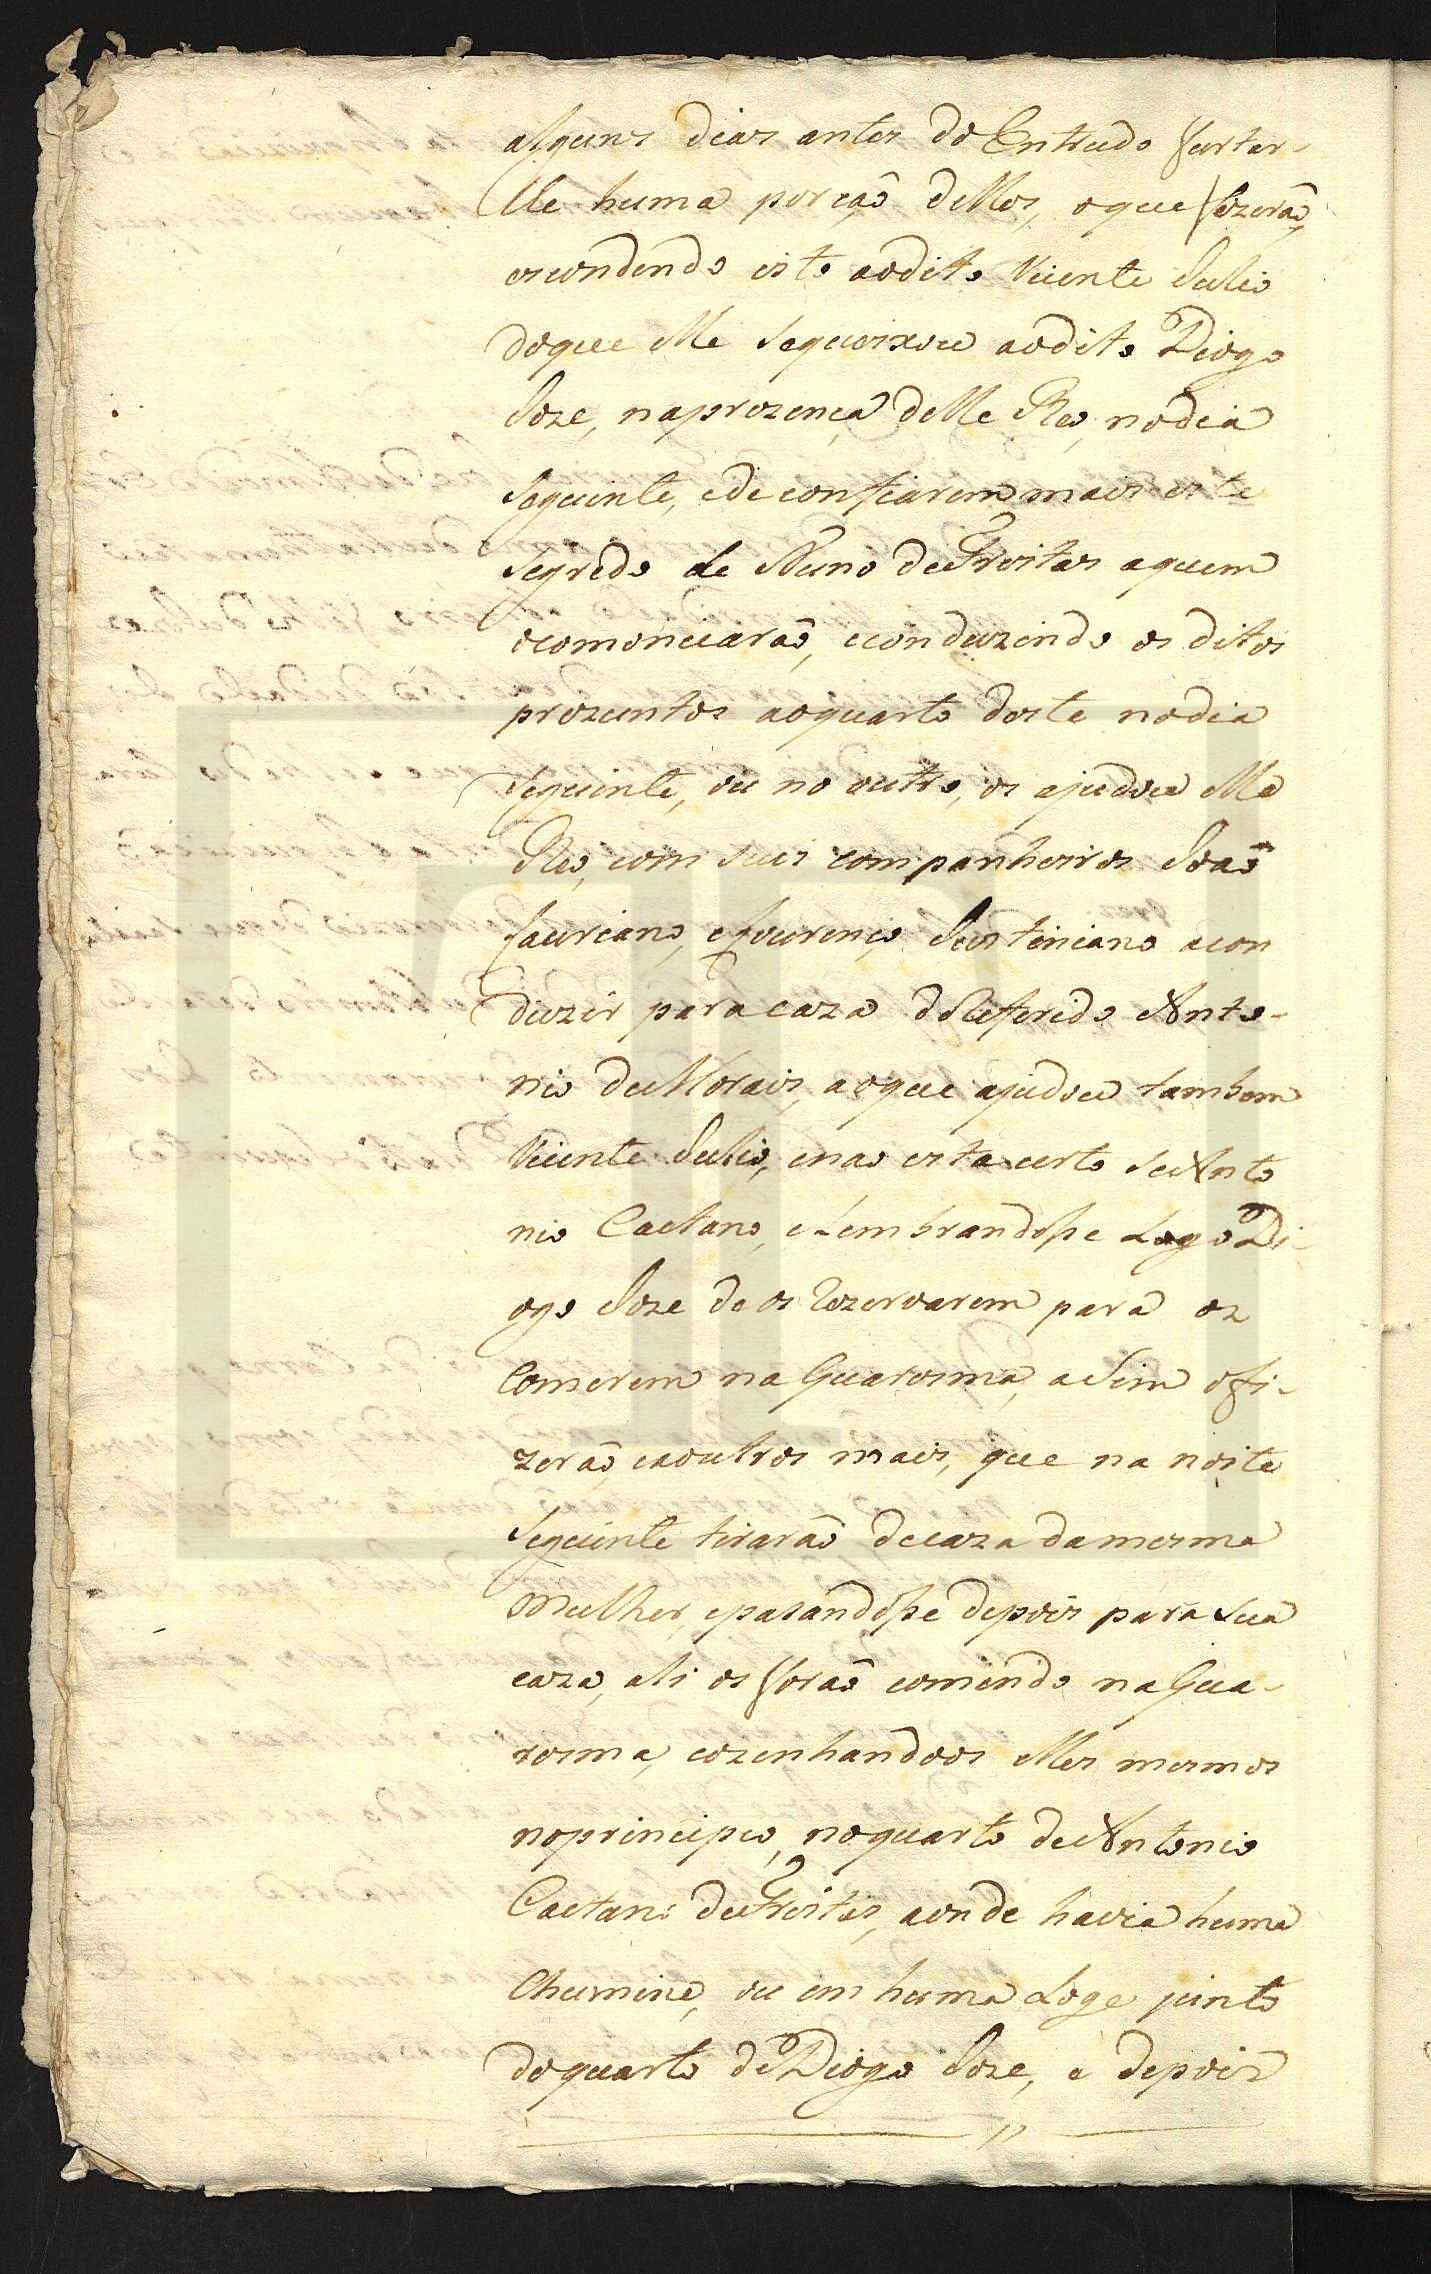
alguns dias antes do Entrudo furtar
lhe huma porçaõ delles, o que fizeraõ
escondendo isto ao dito Vicente Iulio
do que elle se queixou ao dito Diogo
Ioze, na prezença delle Reo, no dia
seguinte, e de confiarem mais este
segredo de Nuno de Freitas a quem
o comunicaraõ, e conduzindo os ditos
prezuntos ao quarto deste no dia
seguinte, ou no outro, os ajudou elle
Reo, com seus companheiros Ioaõ
Lauriano, e Lourenço Iustiniano a con
duzir para caza do Referido Anto
nio de Morais, ao que ajudou tambem
Vicente Iulio, e nao esta certo se Anto
nio Caetano, e lembrandose Logo Di
ogo Ioze de os Rezervarem para oz
comerem na Quaresma, asim o fi
zeraõ e a outros mais, que na noite
seguinte tiraraõ de caza da mesma
mulher e pasandosse depois para sua
caza, ali os foraõ comendo na Qua
resma, cozinhandoos elles mesmos
no principio, no quarto de Antonio
Caetano de Freitas, aonde havia huma
Chumine, ou em huma Loge junto
do quarto de Diogo Ioze, e depois
